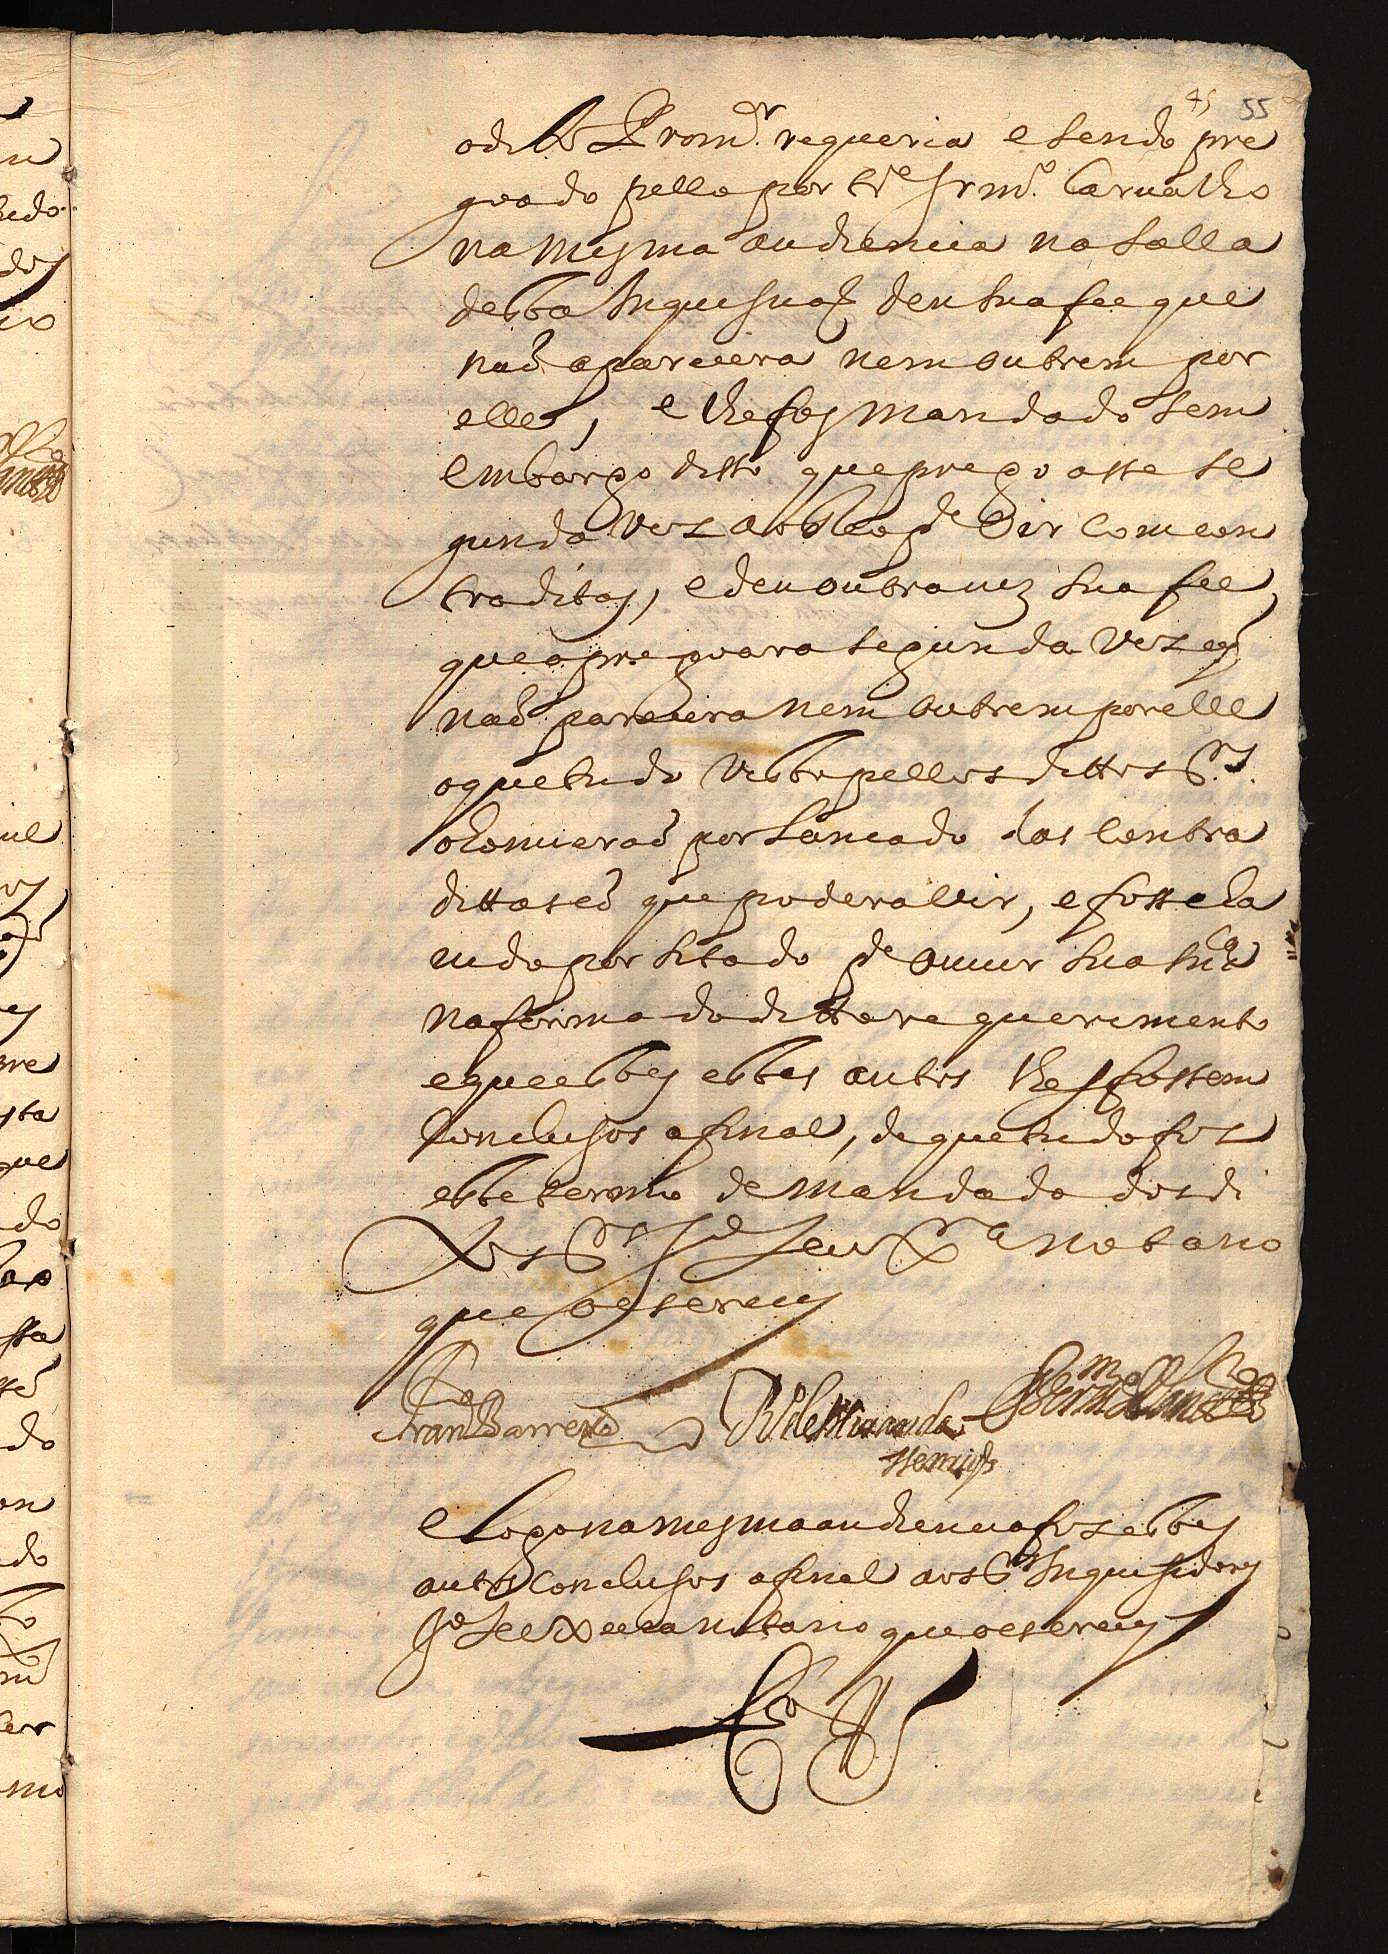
o dito Prom.or requeria e sendo pre
goado pello portro Jrm.o Carualho
na mesma audiencia na salla
desta Inquisicaõ deu sua fee que
naõ aparecera nem outrem por
elle, e lhe foj mandado sem
embargo disso que pregoasse se
gunda vez ao Reo pa vir com con
traditas, e deu outra uez sua fee
que apregoara segunda vez e q̄
naõ parecera nem outrem por elle
o que tudo visto pellos dittos s.res
o houueraõ por Lancado das contra
dittas cō que podera vir, e fosse ha
uido por sitado pa ouuir sua senca
na forma do ditto requerimento
e que estes estes autos lhes fossem
Conclusos a final, de que tudo fiz
este termo de mandado dos di
tos sres Jo teixra notario
que o escreuj
Berthmo de Lanctre
Franco Barreto
Ro de Miranda
Henriq̄s
e logo na mesma audiencia fis estes
autos conclusos a final aos sres Inquisidores
Jo teixeira notario que o escreuj
CLo
